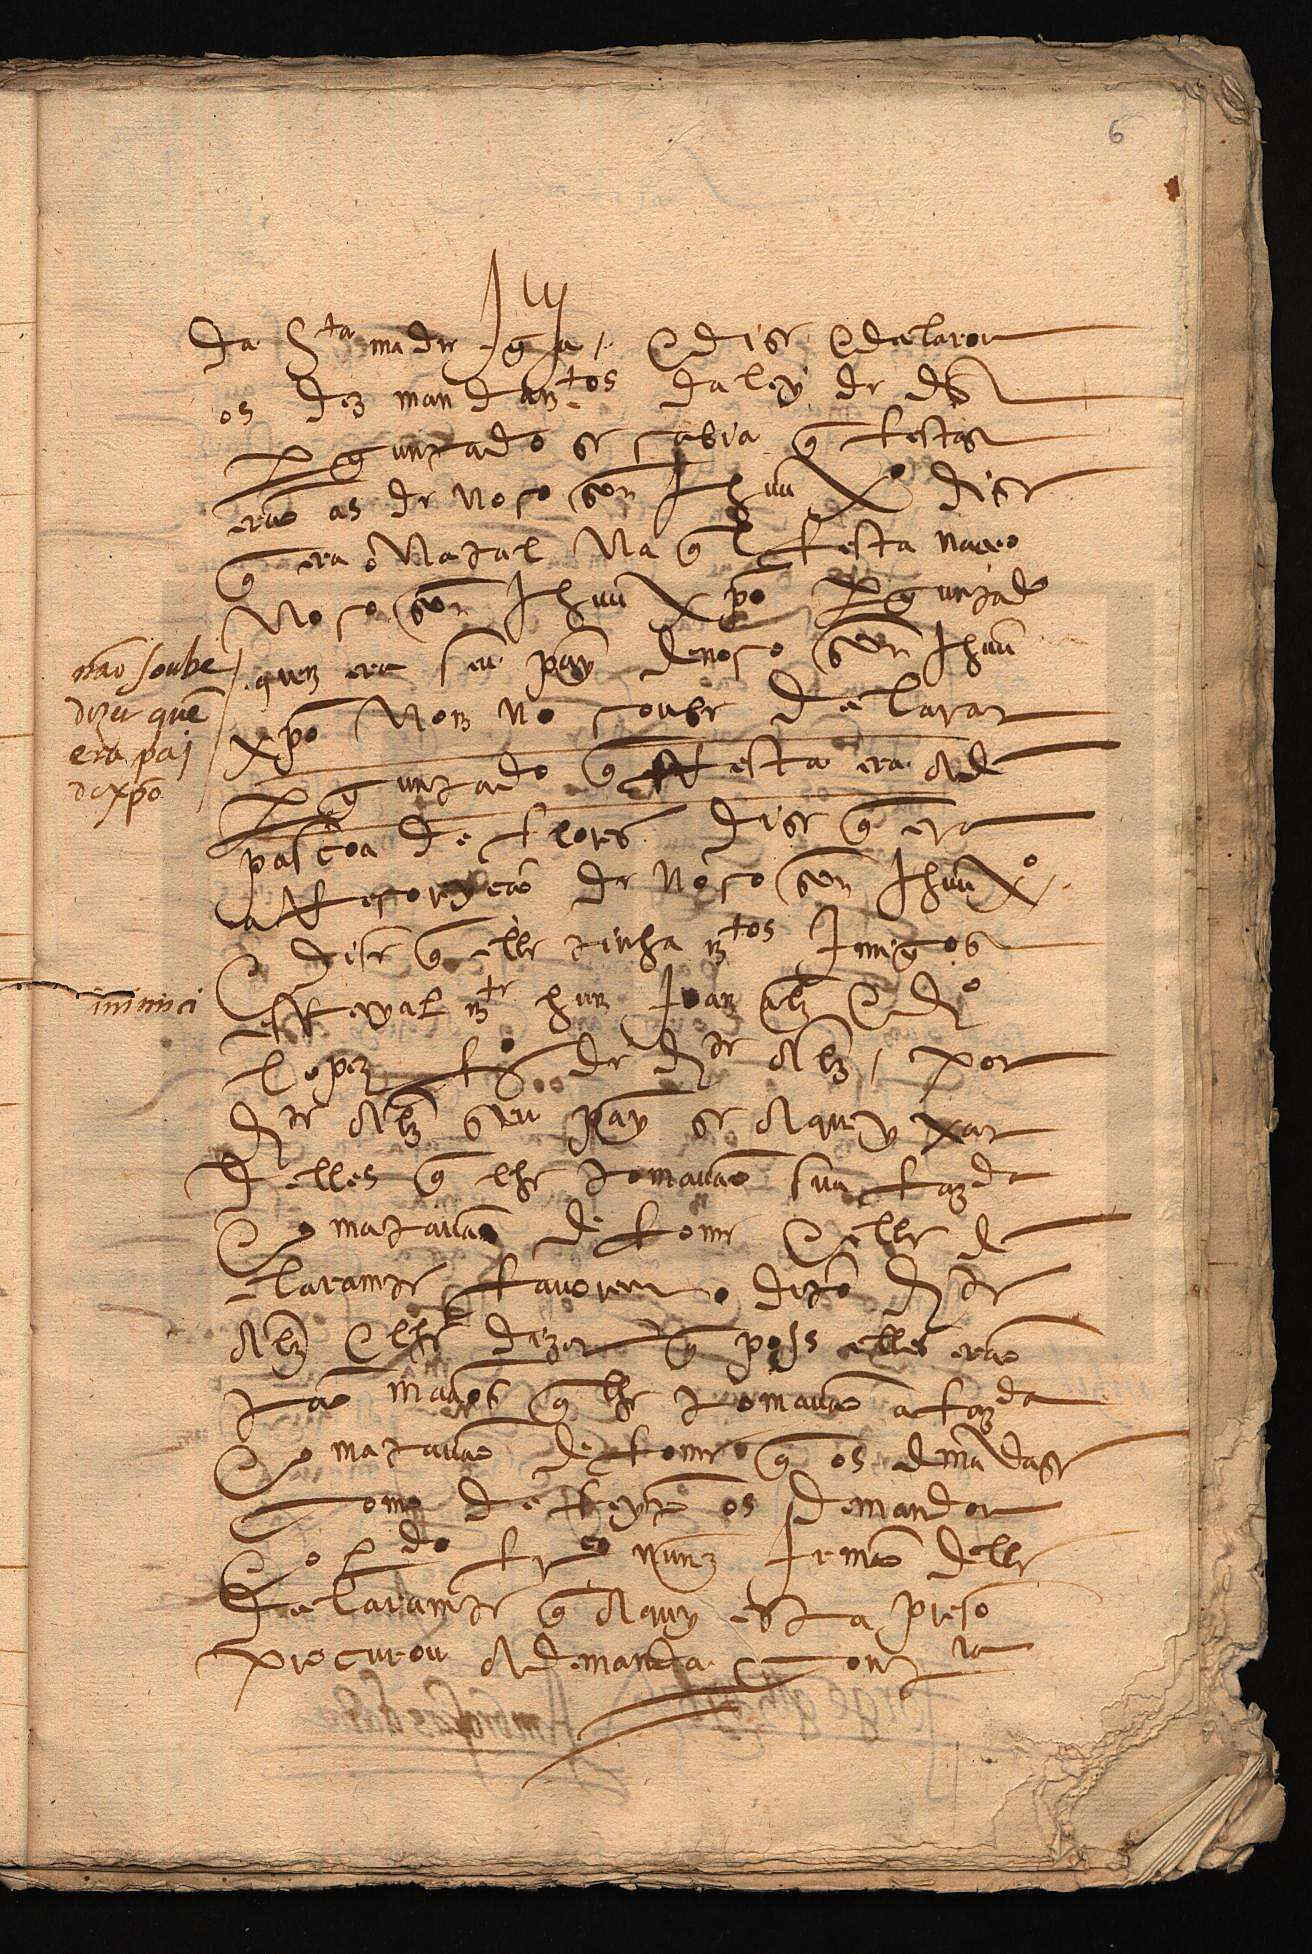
não Soube
dizer quē
era paj
de xp̄o
inimici
da Sta madre JḡJa /. e dise e declarou
os dez mandamtos da ley de ds̄
ꝑguntado se sabia q̄ festas
erão as de noso s̄or Jhūu Xo dise
q̄ era o Natal Na q̄l festa naceo
Noso s̄or Jhūu Xp̄o ꝑguntado
quem era seu pāy de noso s̄or Jhūu
Xp̄o Nom no soube declarar
ꝑguntado q̄ ffesta era A de
pascoa de flores dise q̄ era
a Resoreyçaõ de noso s̄or Jhūu Xo /.
e dise q̄ elle tinha mtos Jmigos
especiaLmte hum Joam ālz e djo
lopez fos de drte Al̄z / por
drte Al̄z seu pāy se Aqueyxar
delles q̄ lhe tomauão sua fazda
e o matauão de fome e elle de
claramte fauorece o ditō drte
Al̄z e lhe dizer q̄ pojs elles erão
tão maāos q̄ lhe tomauão a fazda
e o matauão de fome q̄ os demādase
como de feyt̄o os demandou
e o Ldo frco nūnez Jrmão delle
declaramte q̄ Aquy esta preso
procurou A demanda Contra
